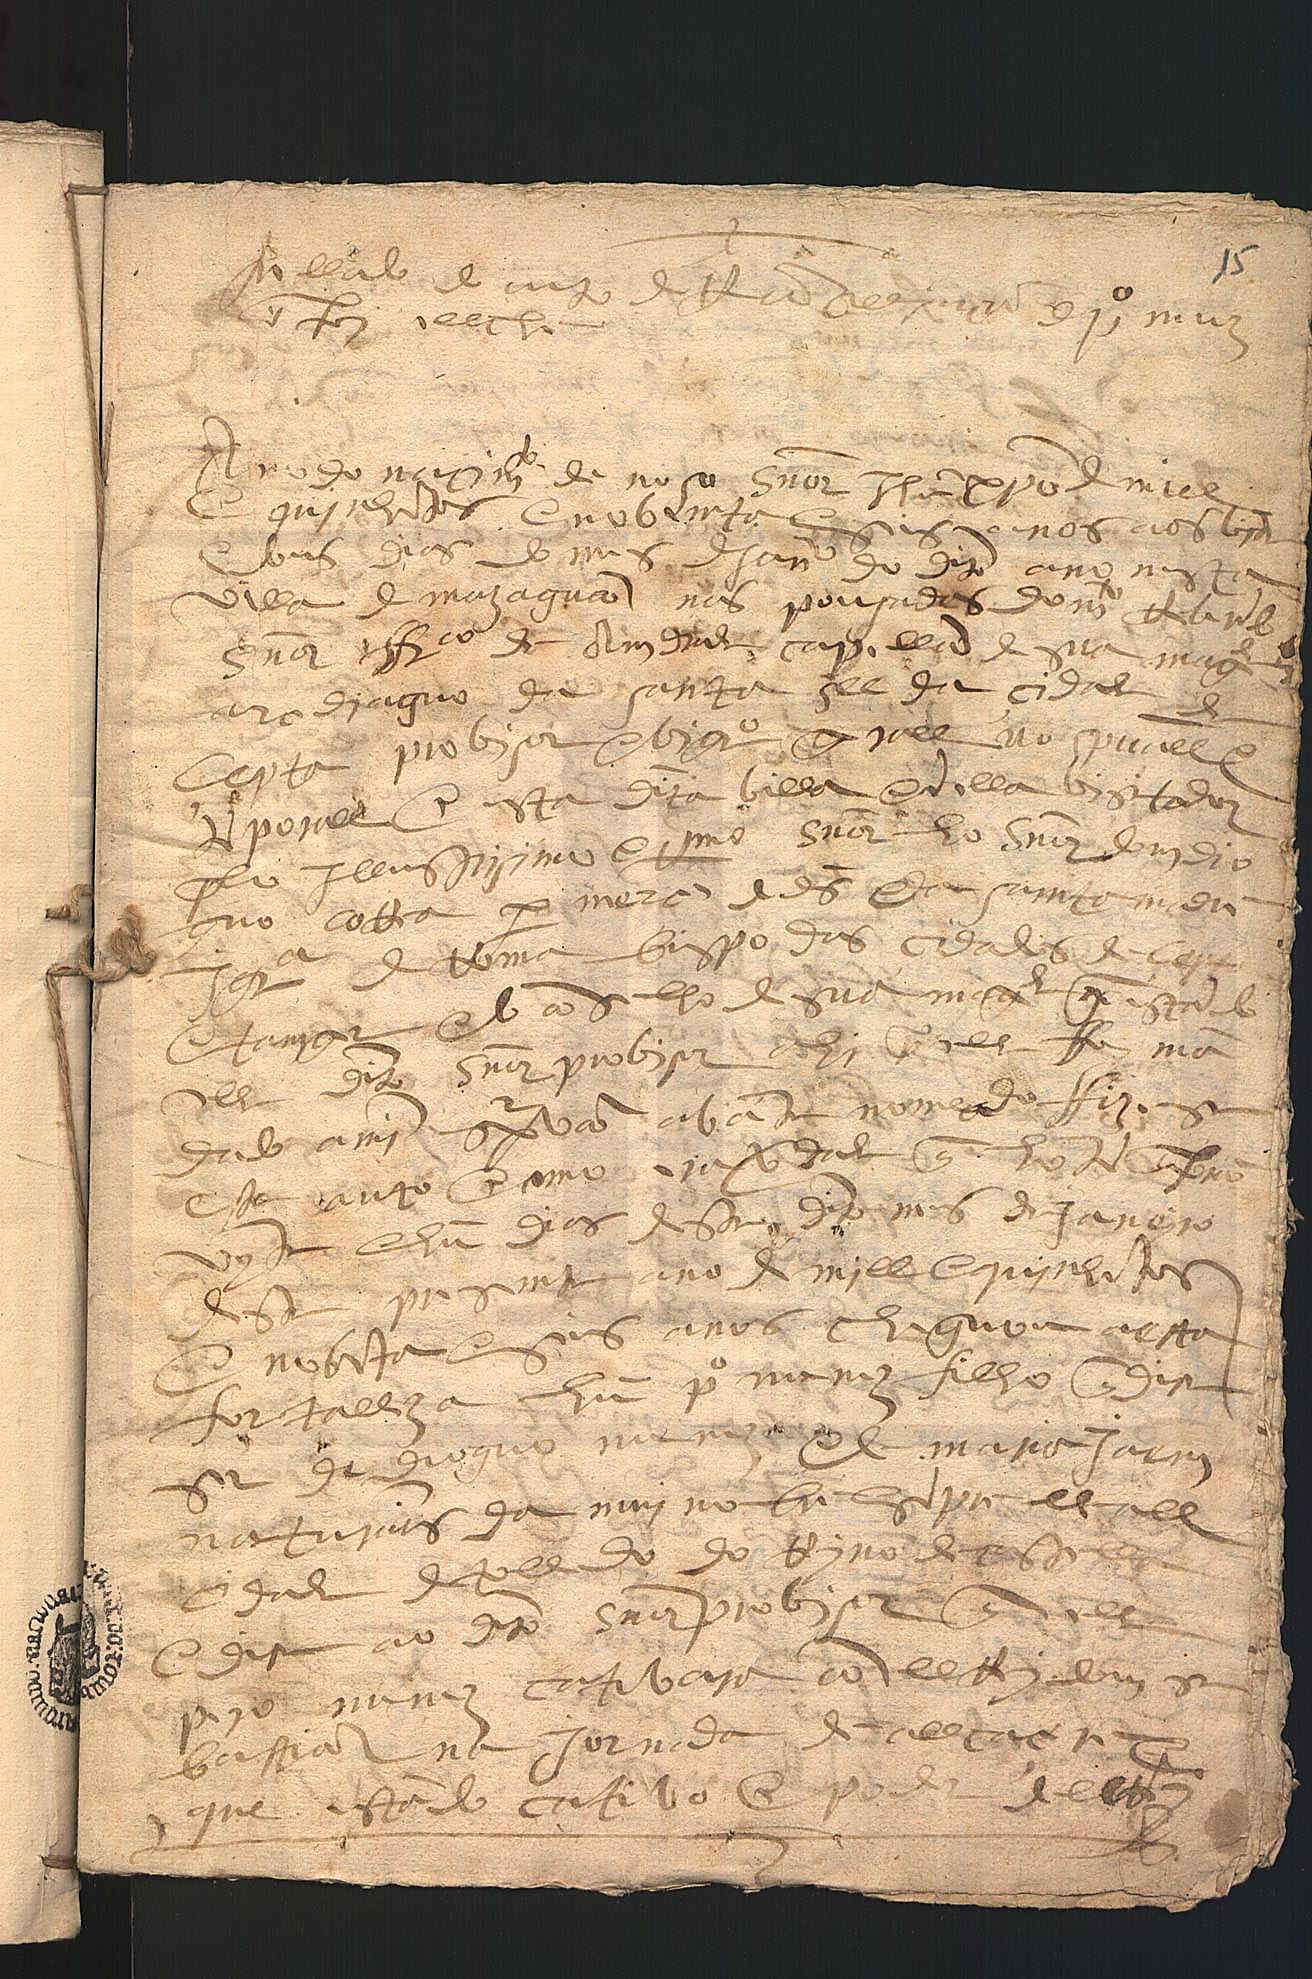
trellado do auto de Rcōcilljaçā de po nunz
q̄ foj ellche
Ano do nacimto de noso Sn̄or Jhū xp̄o de mill
e qujnhētos e noventa e seis anos aos vj̄te
e dous dias do mes de Janro do dito ano nesta
villa de mazaguão nas pousadas do mto Reverēdo
Sn̄or ffrco de Amdrade capellā de sua magde
arcdiaguo da santa see da cidade de
Cepta provizor e vigro gerall no spūall e
tēporall ē esta dita villa e ē ella visitador
p̄lo Jllustrisimo e Rmo sn̄or ho Sn̄or dom dio
guo coRea ꝑ merçe de ds̄ e da samta madre
Jgra de Roma bispo das cidades de cepta
e tamger e do c̄oselho de sua magde q̄ estādo
elle dito sn̄or provisor ahi p̄o elle ffoi mā
dado a mj̄ esp̄vaõ avāte nomeado fizese
este auto ē como era ꝟdade q̄ hōtē q̄ forō
vȳte e hū dias deste dito mes de Janejro
deste presemte ano de mjll e qujnhētos
e novēta e seis anos cheguou a esta
fortalleza hū po nunez filho q̄ dise
ser de dioguo nunez e de maria Jaem
naturaes da muj nobre sēpre leall
cidade de tolledo do Rejno de castella
e dise ao dito sn̄or provjsor q̄ elle
pero nunez cativara c̄o ell Rej dom se
bastiaõ na Jornada de allcacere e
que estādo cativo ē poder dell Rej
